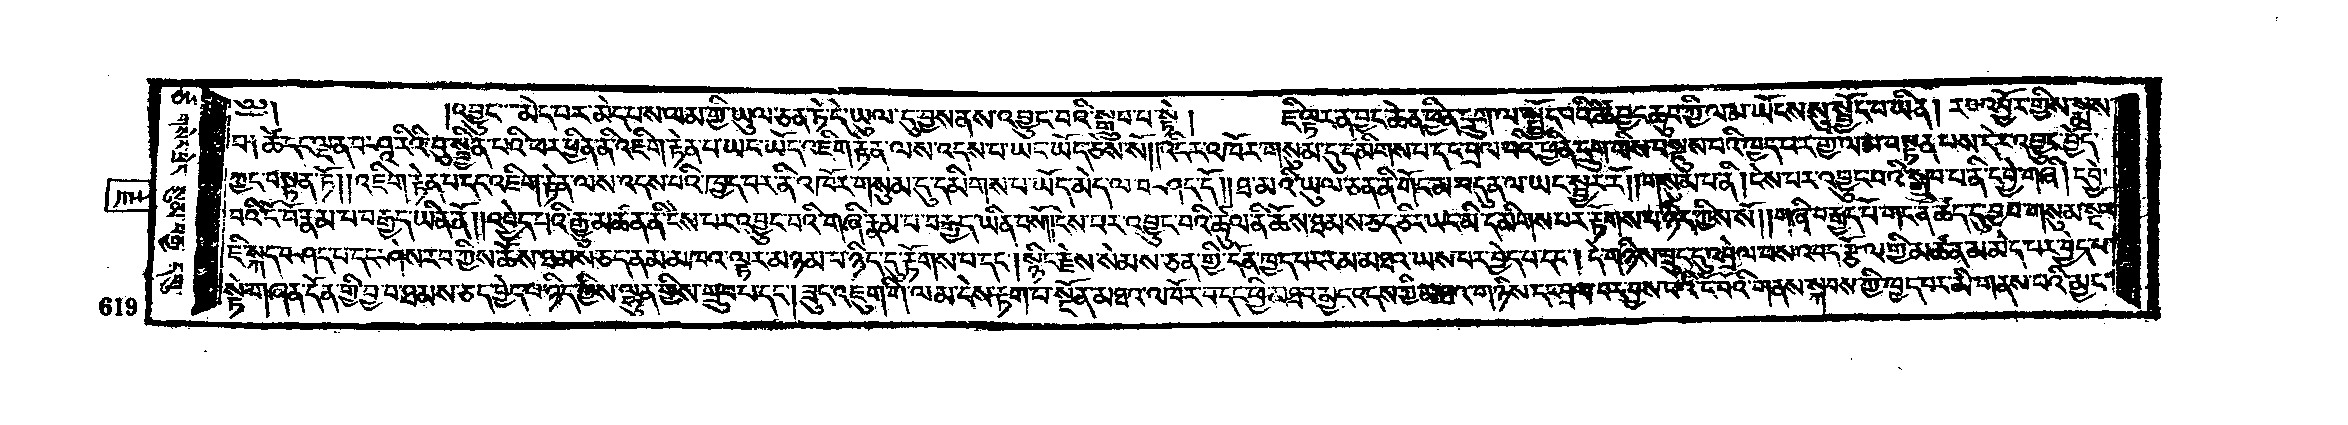༄༅། །འབྱུང་མེད་པར་མེད་པས་ལམ་གྱི་ཡུལ་ཅན་ཏེ་དེ་ཡུལ་དུ་བྱས་ནས་འབྱུང་བའི་སྒྲུབ་པ་སྟེ། ཇི་ལྟར་ན་བྱང་ཆེན་ཕྱིན་དྲུག་ལ་སྤྱོད་པའི་ཚེ་བྱང་ཆུབ་ཀྱི་ལམ་ཡོངས་སུ་སྦྱོང་བ་ཡིན། རབ་འབྱོར་གྱིས་སྨྲས་
པ། ཚེ་དང་ལྡན་པ་ཤཱ་རིའི་བུ་སྦྱིན་པའི་ཕར་ཕྱིན་ནི་འཇིག་རྟེན་པ་ཡང་ཡོད་འཇིག་རྟེན་ལས་འདས་པ་ཡང་ཡོད་ཅེས་སོ། །འདིར་འཁོར་གསུམ་དུ་དམིགས་པ་དང་བྲལ་བའི་ཕྱིན་དྲུག་གིས་བསྡུས་པའི་ཁྱད་པར་གྱི་ལམ་བསྟན་པས་དེར་འབྱུང་བྱེད་
ཀྱང་བསྟན་ཏོ། །འཇིག་རྟེན་པ་དང་འཇིག་རྟེན་ལས་འདས་པའི་ཁྱད་པར་ནི་འཁོར་གསུམ་དུ་དམིགས་པ་ཡོད་མེད་ལ་བཤད་དོ། །ཐ་མའི་ཡུལ་ཅན་ནི་གོང་མ་བདུན་ལ་ཡང་སྦྱར་རོ། །གསུམ་པ་ནི། ངེས་པར་འབྱུང་བའི་སྒྲུབ་པ་ནི་དབྱེ་གཞི། དབྱེ་
བའི་ངོ་བོ་རྣམ་པ་བརྒྱད་ཡིན་ནོ། །འབྱེད་པའི་རྒྱུ་མཚན་ནི་ངེས་པར་འབྱུང་བའི་གཞི་རྣམ་པ་བརྒྱད་ཡིན་པས་སོ། །ངེས་པར་འབྱུང་བའི་ཚུལ་ནི་ཆོས་ཐམས་ཅད་ཅིར་ཡང་མི་དམིགས་པར་རྟོགས་པ་ཉིད་ཀྱིས་སོ། །གཞི་བརྒྱད་པོ་གང་ན་ཆེད་དུ་བྱ་བ་གསུམ་སྔར་
ཇི་སྐད་བཤད་པ་དང་ཤེས་རབ་ཀྱིས་ཆོས་ཐམས་ཅད་ནམ་མཁའ་ལྟར་མཉམ་པ་ཉིད་དུ་རྟོགས་པ་དང་། སྙིང་རྗེས་སེམས་ཅན་གྱི་དོན་ཁྱད་པར་རམ་མཐའ་ཡས་པར་བྱེད་པ་དང་། དེ་གཉིས་ཟུང་དུ་འབྲེལ་བས་འབད་རྩོལ་གྱི་མཚན་མ་མེད་པར་བྱེད་པ་
སྟེ་གཞན་དོན་གྱི་བྱ་བ་ཐམས་ཅད་བྱེད་པ་ཉིད་ཀྱིས་ལྷུན་གྱིས་གྲུབ་པ་དང་། ཟུང་འཇུག་གི་ལམ་དེས་རྟག་པ་སྔོན་མཐའ་འཁོར་བ་དང་ཕྱི་མཐའ་མྱང་འདས་ཀྱི་མཐའ་གཉིས་དང་བྲལ་བར་བྱས་པའི་ངོ་བོའི་གནས་སྐབས་ཀྱི་ཁྱད་པར་མི་གནས་པའི་མྱང་